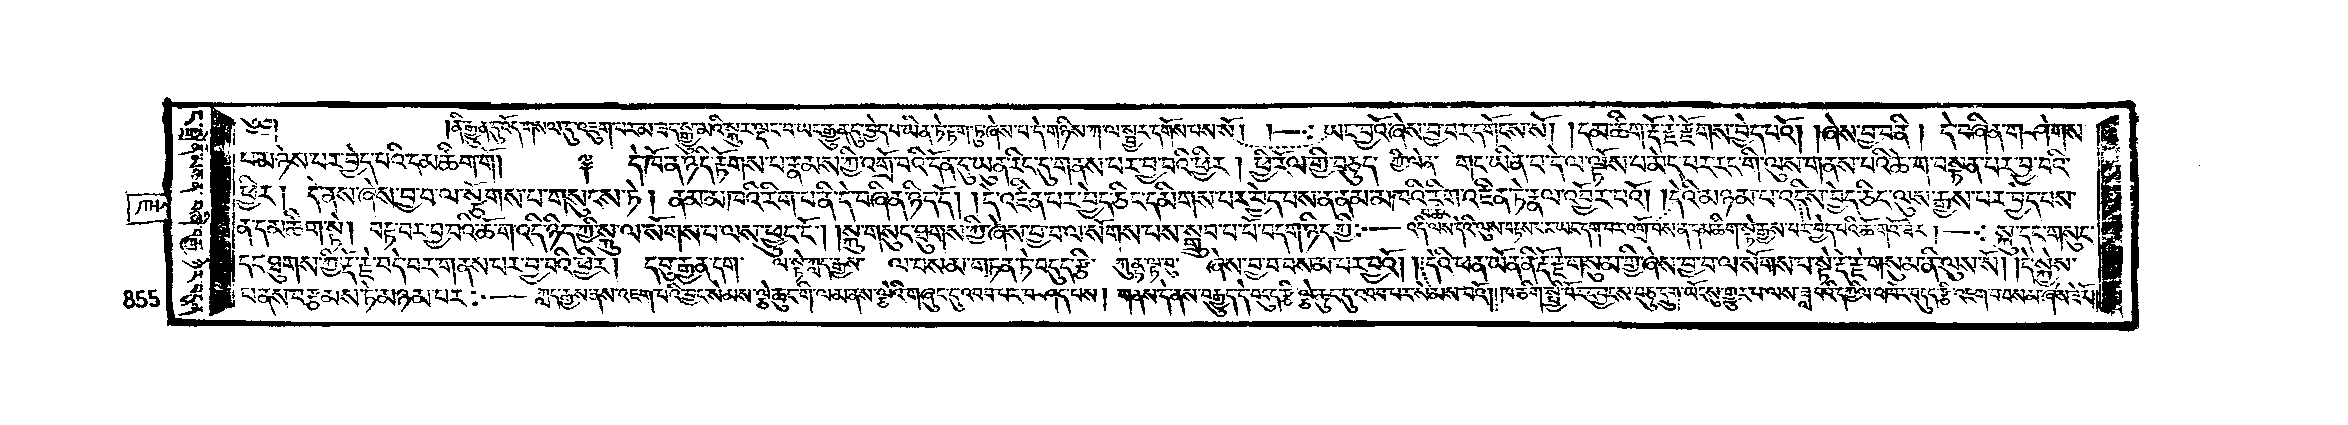༄༅། །ནི་རྒྱུན་དུ་འོད་གསལ་དུ་འཇུག་པར་མ་ཟད་སྒྱུ་མའི་སྐུར་ལྡང་བ་ཡང་རྒྱུན་དུ་བྱེད་པ་ཡིན་ཏེ་རྟག་ཏུ་ཞེས་པ་དེ་གཉིས་ཀ་ལ་སྦྱར་དགོས་པས་སོ། །.H ཡང་བྱའོ་ཞེས་བྱ་བར་དགོངས་སོ། །དམ་ཚིག་རྡོ་རྗེ་རྫོགས་བྱེད་པའོ། །ཞེས་བྱ་བ་ནི། དེ་བཞིན་གཤེགས་
པ་མཉེས་པར་བྱེད་པའི་དམ་ཚིག་གོ། ༈ དེ་ཁོ་ན་ཉིད་རྟོགས་པ་རྣམས་ཀྱི་འགྲོ་བའི་དོན་དུ་ཡུན་རིང་དུ་གནས་པར་བྱ་བའི་ཕྱིར། ཕྱི་རོལ་གྱི་བཅུད་ཀྱི་ལེན་གང་ཡིན་པ་དེ་ལ་ལྟོས་པ་མེད་པར་རང་གི་ལུས་གནས་པའི་ཆོ་ག་བསྟན་པར་བྱ་བའི་
ཕྱིར། དེ་ནས་ཞེས་བྱ་བ་ལ་སྩོགས་པ་གསུངས་ཏེ། ནམ་མཁའི་རིག་པ་ནི་དེ་བཞིན་ཉིད་དོ། །དེ་འཛིན་པར་བྱེད་ཅིང་དམིགས་པར་བྱེད་པས་ན་ནམ་མཁའི་རིག་འཛིན་ཏེ་རྣལ་འབྱོར་པའོ། །དེའི་མཉམ་པ་འདིས་བྱེད་ཅིང་ལུས་རྒྱས་པར་བྱེད་པས་
ན་དམ་ཚིག་སྟེ། བརྟ་བར་བྱ་བའི་ཆོ་ག་འདི་ཉིད་ཀྱི་སྐུ་ལ་སོགས་པ་ལས་ཕྱུང་ངོ། །སྐུ་གསུང་ཐུགས་ཀྱི་ཞེས་བྱ་བ་ལ་སོགས་པས་སྒྲུབ་པ་པོ་བདག་ཉིད་ཀྱིཿ་པ་ཚབ་འདི་ལས་དེའི་ལུས་བརྟས་པར་ཡང་དག་པར་འགྲོ་བས་ན་དམ་ཚིག་སྟེ་རྒྱས་པར་བྱེད་པའི་ཆོ་གའོ་ཟེར། .H སྐུ་དང་གསུང་
དང་ཐུགས་ཀྱི་རྡོ་རྗེ་བདེ་བར་གནས་པར་བྱ་བའི་ཕྱིར། དབུ་རྒྱན་དག་ལ་སྟེ་ཀླད་རྒྱས་ལ་བསམ་གཏན་ཏེ་བདུད་རྩི་ཀུནྟ་ལྟ་བུ་ཞེས་བྱ་བ་བསམ་པར་བྱའོ། །དེའི་ཕན་ཡོན་ནི་རྡོ་རྗེ་གསུམ་གྱི་ཞེས་བྱ་བ་ལ་སོགས་པ་སྟེ་རྡོ་རྗེ་གསུམ་ནི་ལུས་སོ། །དེ་སྐྱེས་
པ་ནས་བརྩམས་ཏེ་མཉམ་པརཿ་ཀླད་རྒྱས་ནས་འཇིག་པའི་བྱང་སེམས་ལྕེ་ཆུང་གི་ལམ་ནས་ལྕེའི་གཞུང་དུ་འབབ་པར་བཤད་པས། གནས་དེ་ནས་བརྒྱུད་དེ་བདུད་རྩི་ལྕེ་ཆུང་དུ་འབབ་པར་སེམས་པའོ། །ཁ་ཅིག་སྤྱི་བོར་དབྱངས་བཅུ་དྲུག་ཡོངས་སུ་གྱུར་པ་ལས་ཟླ་བའི་དཀྱིལ་འཁོར་བདུད་རྩི་འཇིག་པ་བསམ་ཞེས་ཟེར་རོ།།